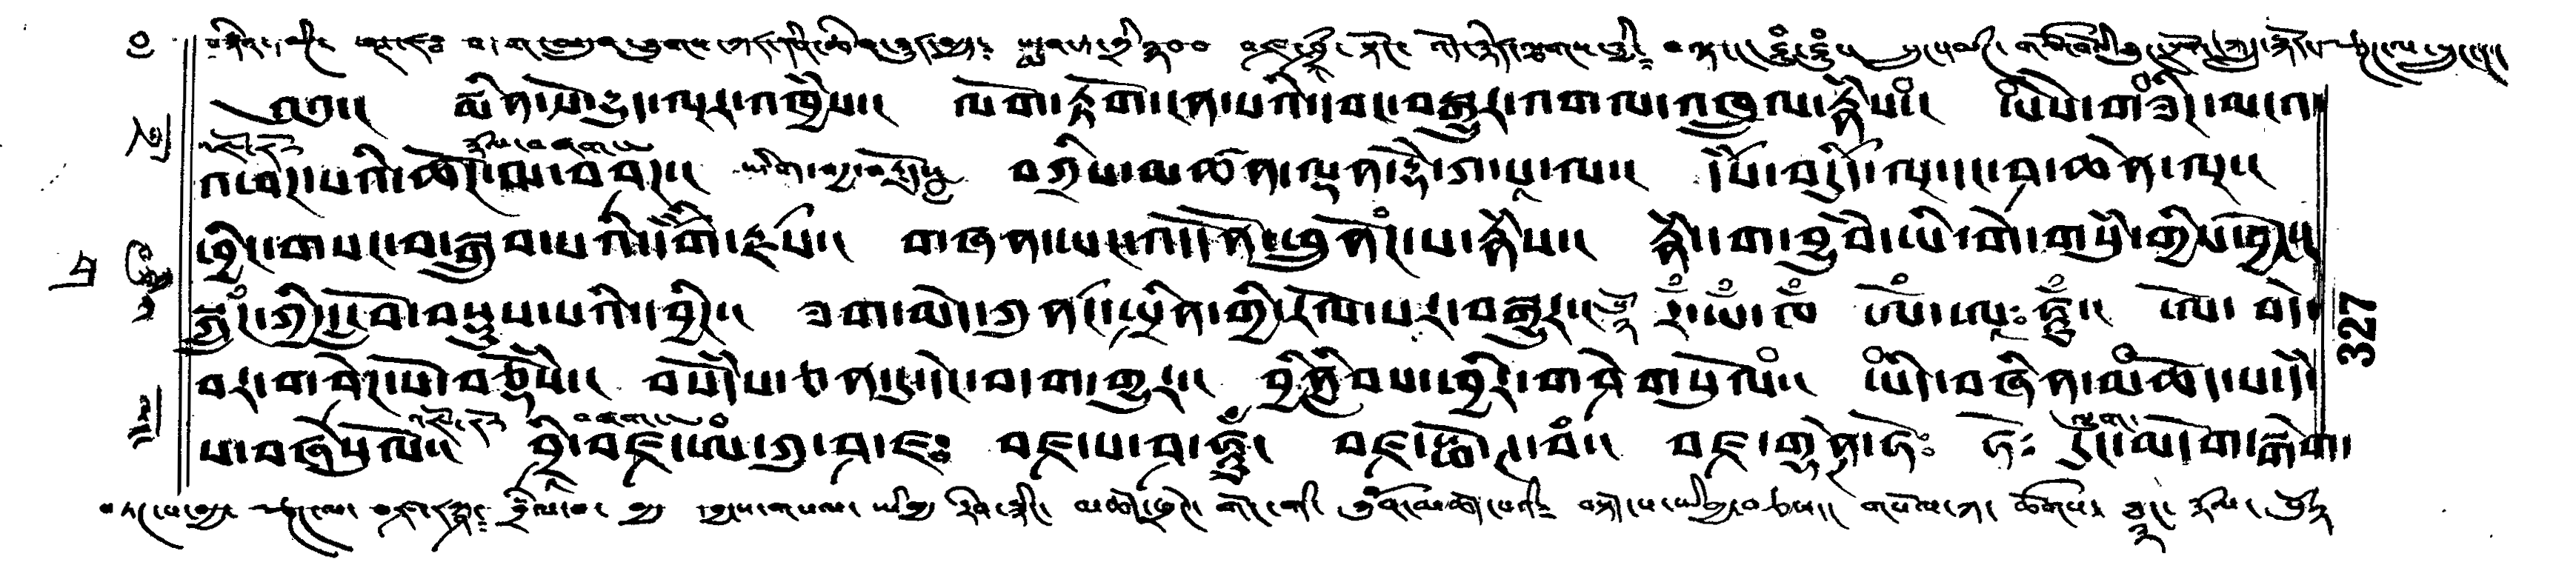སྨིན་པོ་རྒྱུད་ལྔར་འཁྱམས། །ལོག་རྟོག་ངན་པའི་དབང་བསྒྱུར་འགལ་འཁྲུལ་རྣམས། །ཡེ་ཤེས་གཟིགས་མངའ་
འཕགས་པའི་ཚོགས་ལ་བཤགས། ཡིག་བརྒྱ་བརྗོད། བཀྲ་ཤིས་མཚན་ལྡན་རྡོ་རྗེ་ཀ་པཱ་ལ། །དམ་རྫས་བདུད་རྩི་ལྔ་དང་ཤ་ཆེན་ལྔ། །
ཕྱི་ནང་གསང་བ་སྒྲུབ་པའི་དམ་ཚིག་རྫས། །གཞན་ཡང་འདོད་ཡོན་ཕུན་སུམ་ཚོགས་པ་རྣམས། །རྣམ་དག་བྱང་ཆུབ་ཡི་གེ་གསུམ་གྱིས་སྦྱངས། 
སྐུ་གསུང་ཐུགས་ཀྱི་དངོས་གྲུབ་བསྡུས་པའི་དབྱིག །ཟག་མེད་ཀུན་བཟང་སྤྲིན་གྱི་རོལ་པར་བསྒྱུར། རྃ་ཡྃ་ཁྃ། ཨོཾ་ཨཱཿཧཱུྃ། ཨོཾ། བདེ་
བར་གཤེགས་སོ་བཅོམ་ལྡན་འདས། །བསོད་ནམས་ཅན་དུ་དེང་བདག་གྱུར། །བྱིན་གྱིས་རླབས་ཕྱིར་གཤེགས་སུ་གསོལ། །ཡིད་བཞིན་མཆོད་པ་དམ་
པ་བཞེས་སུ་གསོལ། ཤྲཱི་བཛྲ་ཨཾ་ཀུ་ཤ་ཛཿ བཛྲ་པ་ཤ་ཧཱུྃ། བཛྲ་སྥོ་ཊ་བཾ། བཛྲ་གྷནྜེ་ཧོཿ ཧོཿ དུང་མདོག་སྒེག་